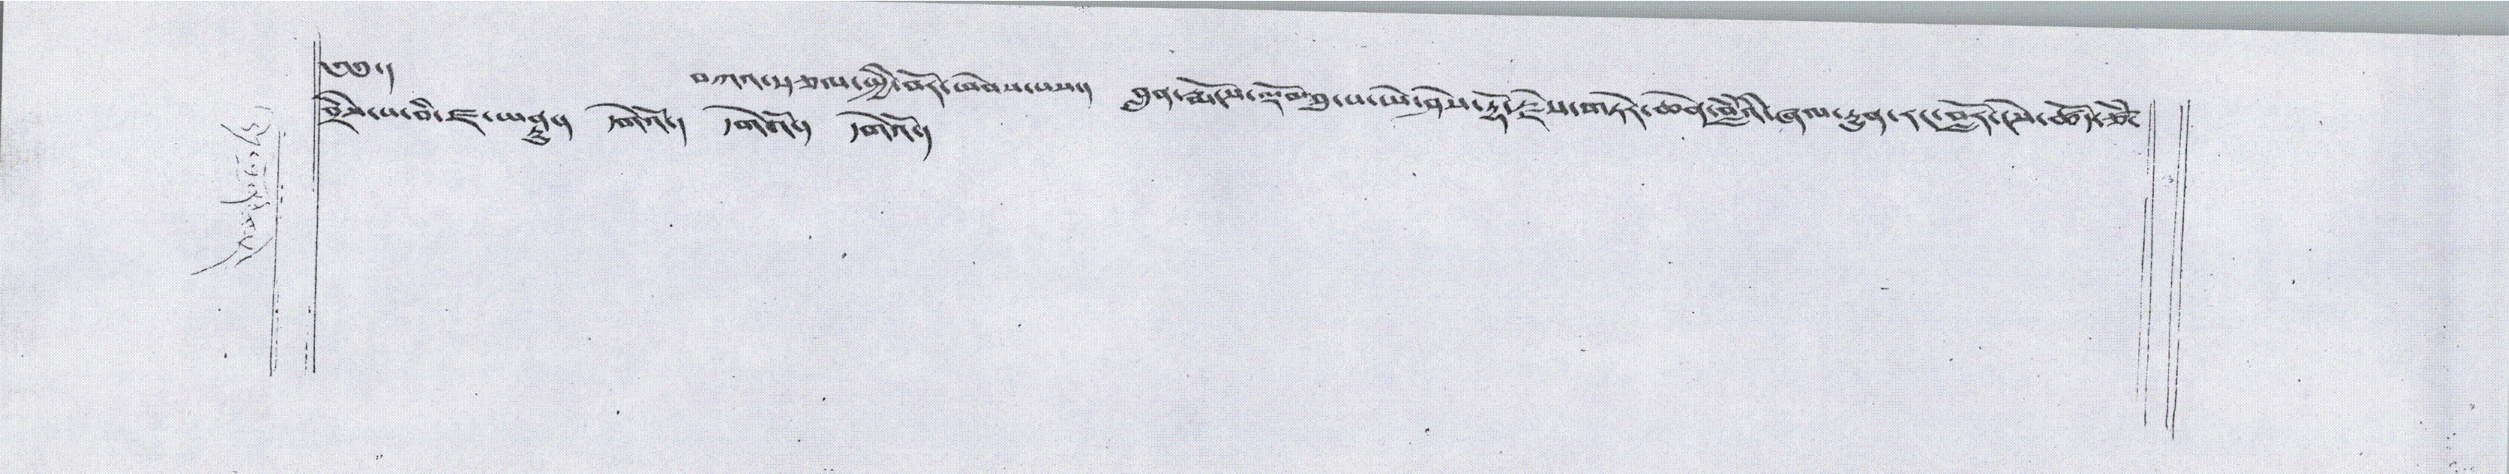བཀའ་སྩལ་སྤྱི་བོར་ཕེབས་པ་པས། བླུན་རྨོངས་ལྡོམ་བུ་བ་ཡེ་ཤེས་རྡོ་རྗེས་གཏེར་ཆེན་བླ་མའི་ཞལ་རྒྱུན་རང་བློར་ངེས་ཚོད་ཙམ་
བྲིས་པ་ཛ་ཡནྟུ། །དགེའོ། དགེའོ། དགེའོ།། །།